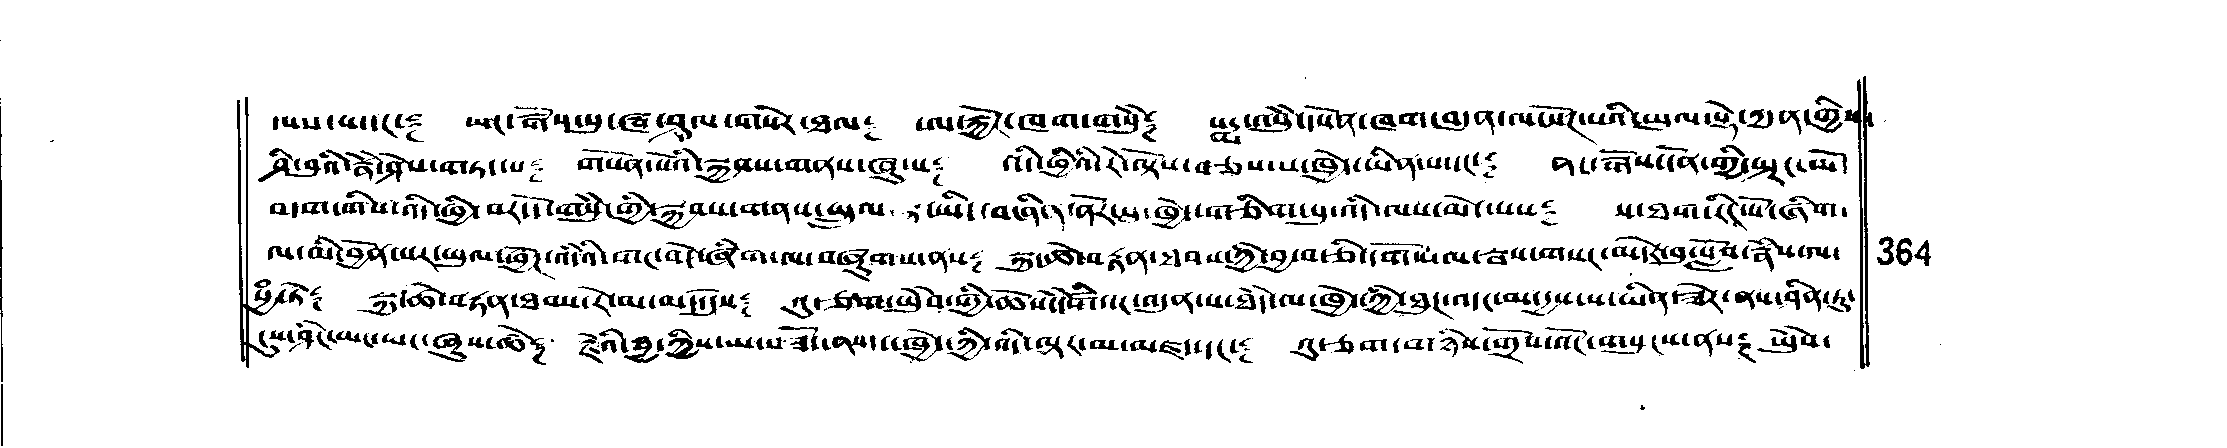ལས་པ་དང་། ཡང་སྒོས་སུ་ཝ་ཤུལ་གསེར་ཐལ། ཨ་སྐྱོང་ཁག་གསུམ། པདྨ་འབུམ་དཔོན་ཁག་བདུན་ལ་སོགས་པའི་ཡུལ་སྡེ་ཀུན་གྱིས་
ཤི་བུའི་རྣམ་ཤེས་གཏད་ས། གསོན་པོའི་སྐྱབས་གནས་ཞུ་ས། འདི་ཕྱིའི་རེ་ལྟོས་བཅའ་ས་ཁྱེད་ཡིན་པ་དང་། ནང་སྒོས་དོན་གྱི་སྤྲང་མོ་
བདག་གིས་འདི་ཕྱི་བར་དོ་གསུམ་གྱི་སྐྱབས་གནས་སྤྲུལ་སྐུ་ཡིད་བཞིན་ནོར་བུ་ཁྱེད་གཅིག་པུ་འདི་ལས་མེད་པས། ས་ཐག་རིང་པོ་ཞིག་
ལ་མི་བྱོན་པར་ཡུལ་ཕྱོགས་འདིའི་གང་བདེ་ཞིག་ལ་བཞུགས་ནས། སྐུ་ཚེ་བརྟན་ཐབས་ཀྱི་བྱ་བ་ཅི་དགོས་ལ་སྦས་གསང་མེད་པར་བུ་སློབ་རྣམས་ལ་
གསུངས་ཏེ། སྐུ་ཚེ་བརྟན་ཐབས་རེ་མ་མཛད་དུས། འུ་ཅག་ཡབ་ཡུམ་གྱི་ཆོས་དམ་ཚིག་དང་འདུན་པ་ཐམས་ཅད་ལ་ཁྱེད་ཀྱི་ཐུགས་འདང་མ་རྒྱས་པ་ཡིན་ཟེར་ནས་ཤིན་ཏུ་
ངུས་ཤིང་ཡང་ཡང་ཞུས་ཚེ། རྗེའི་ཐུགས་ཀྱི་མ་བཟོད་ནས་ད་ཁྱོད་ཀྱི་འདི་ལྟར་མ་མཛད་དང་། འུ་ཅག་གཉིས་གྲོས་འོང་གསུངས་ནས། ཡབ་ཡུམ་